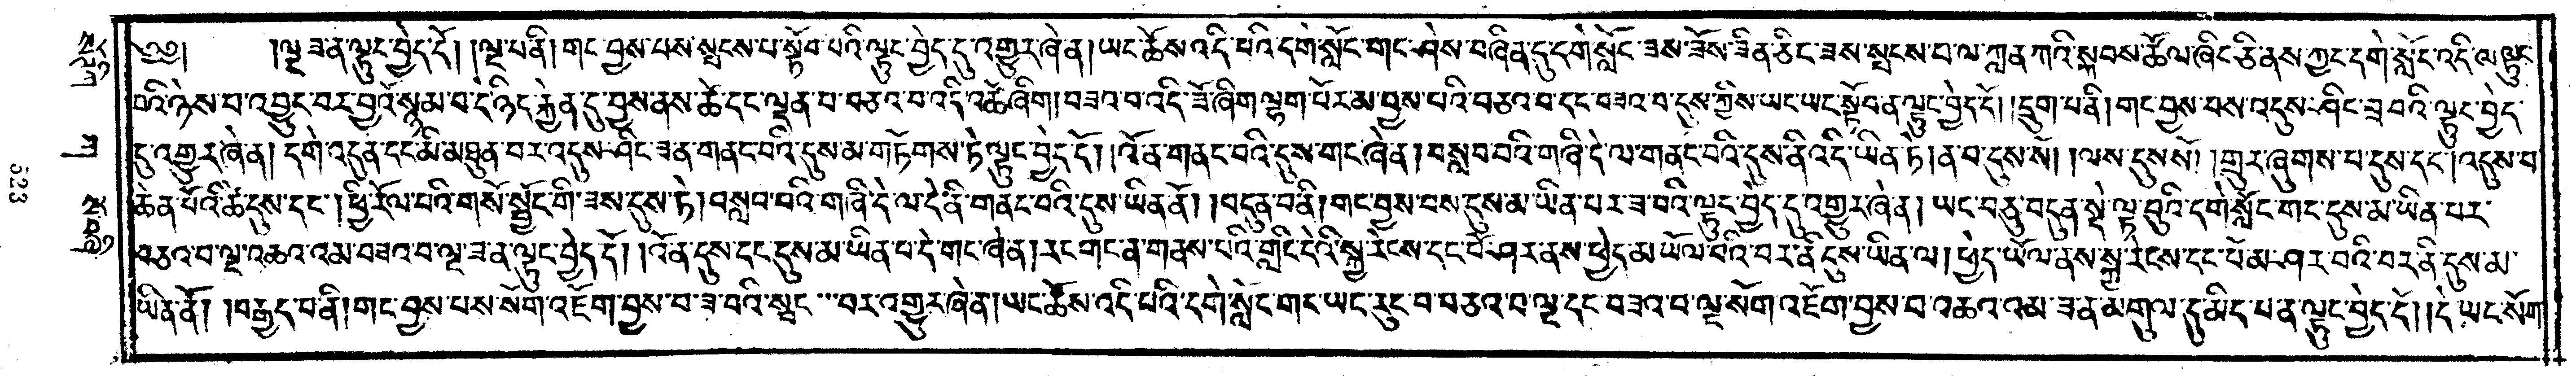༄༅། །ལྔ་ཟ་ན་ལྟུང་བྱེད་དོ། །ལྔ་པ་ནི། གང་བྱས་པས་སྤངས་པ་སྟོབ་པའི་ལྟུང་བྱེད་དུ་འགྱུར་ཞེ་ན། ཡང་ཆོས་འདི་པའི་དགེ་སློང་གང་ཤེས་བཞིན་དུ་དགེ་སློང་ཟས་ཟོས་ཟིན་ཅིང་ཟས་སྤངས་པ་ལ་ཀླན་ཀའི་སྐབས་ཚོལ་ཞིང་ཅི་ནས་ཀྱང་དགེ་སློང་འདི་ལ་ལྟུང་
བའི་ཉེས་པ་འབྱུང་བར་བྱའོ་སྙམ་པ་དེ་ཉིད་རྐྱེན་དུ་བྱས་ནས་ཚེ་དང་ལྡན་པ་བཅའ་བ་འདི་འཚོ་ཞིག། བཟའ་བ་འདི་ཟོ་ཞིག་ལྷག་པོར་མ་བྱས་པའི་བཅའ་བ་དང་བཟའ་བ་དུས་ཀྱིས་ཡང་ཡང་སྟོབ་ན་ལྟུང་བྱེད་དོ། །དྲུག་པ་ནི། གང་བྱས་པས་འདུས་ཤིང་ཟ་བའི་ལྟུང་བྱེད་
དུ་འགྱུར་ཞེ་ན། དགེ་འདུན་དང་མི་མཐུན་བར་འདུས་ཤིང་ཟ་ན་གནང་བའི་དུས་མ་གཏོགས་ཏེ་ལྟུང་བྱེད་དོ། །འོ་ན་གནང་བའི་དུས་གང་ཞེ་ན། བསླབ་བའི་གཞི་དེ་ལ་གནང་བའི་དུས་ནི་འདི་ཡིན་ཏེ། ན་བ་དུས་སོ། །ལས་དུས་སོ། །གྲུར་ཞུགས་པ་དུས་དང་། འདུས་པ་
ཆེན་པོའི་ཚེ་དུས་དང་།ཕྱི་རོལ་པའི་གསོ་སྦྱོང་གི་ཟས་དུས་ཏེ། བསླབ་བའི་གཞི་དེ་ལ་དེ་ནི་གནང་བའི་དུས་ཡིན་ནོ། །བདུན་པ་ནི། གང་བྱས་བས་དུས་མ་ཡིན་པར་ཟ་བའི་ལྟུང་བྱེད་དུ་འགྱུར་ཞེ་ན། ཡང་བཅུ་བདུན་སྡེ་ལྟ་བུའི་དགེ་སློང་གང་དུས་མ་ཡིན་པར་
བཅའ་བ་ལྔ་འཆའ་འམ་བཟའ་བ་ལྔ་ཟ་ན་ལྟུང་བྱེད་དོ། །འོ་ན་དུས་དང་དུས་མ་ཡིན་པ་དེ་གང་ཞེ་ན། རང་གང་ན་གནས་པའི་གླིང་དེའི་སྐྱ་རེངས་དང་བོ་ཤར་ནས་ཕྱེད་མ་ཡོལ་བའི་བར་ནི་དུས་ཡིན་ལ། ཕྱེད་ཡོལ་ནས་སྐྱ་རེངས་དང་པོ་མ་ཤར་བའི་བར་ནི་དུས་མ་
ཡིན་ནོ། །བརྒྱད་པ་ནི། གང་བྱས་པས་སོག་འཇོག་བྱས་པ་ཟ་བའི་སྦང་བར་འགྱུར་ཞེ་ན། ཡང་ཆོས་འདི་པའི་དགེ་སློང་གང་ཡང་རུང་བ་བཅའ་བ་ལྔ་དང་བཟའ་བ་ལྔ་སོག་འཇོག་བྱས་བ་འཆའ་འམ་ཟ་ན་མགུལ་དུ་མིང་པ་ན་ལྟུང་བྱེད་དོ། །དེ་ཡང་སོག་